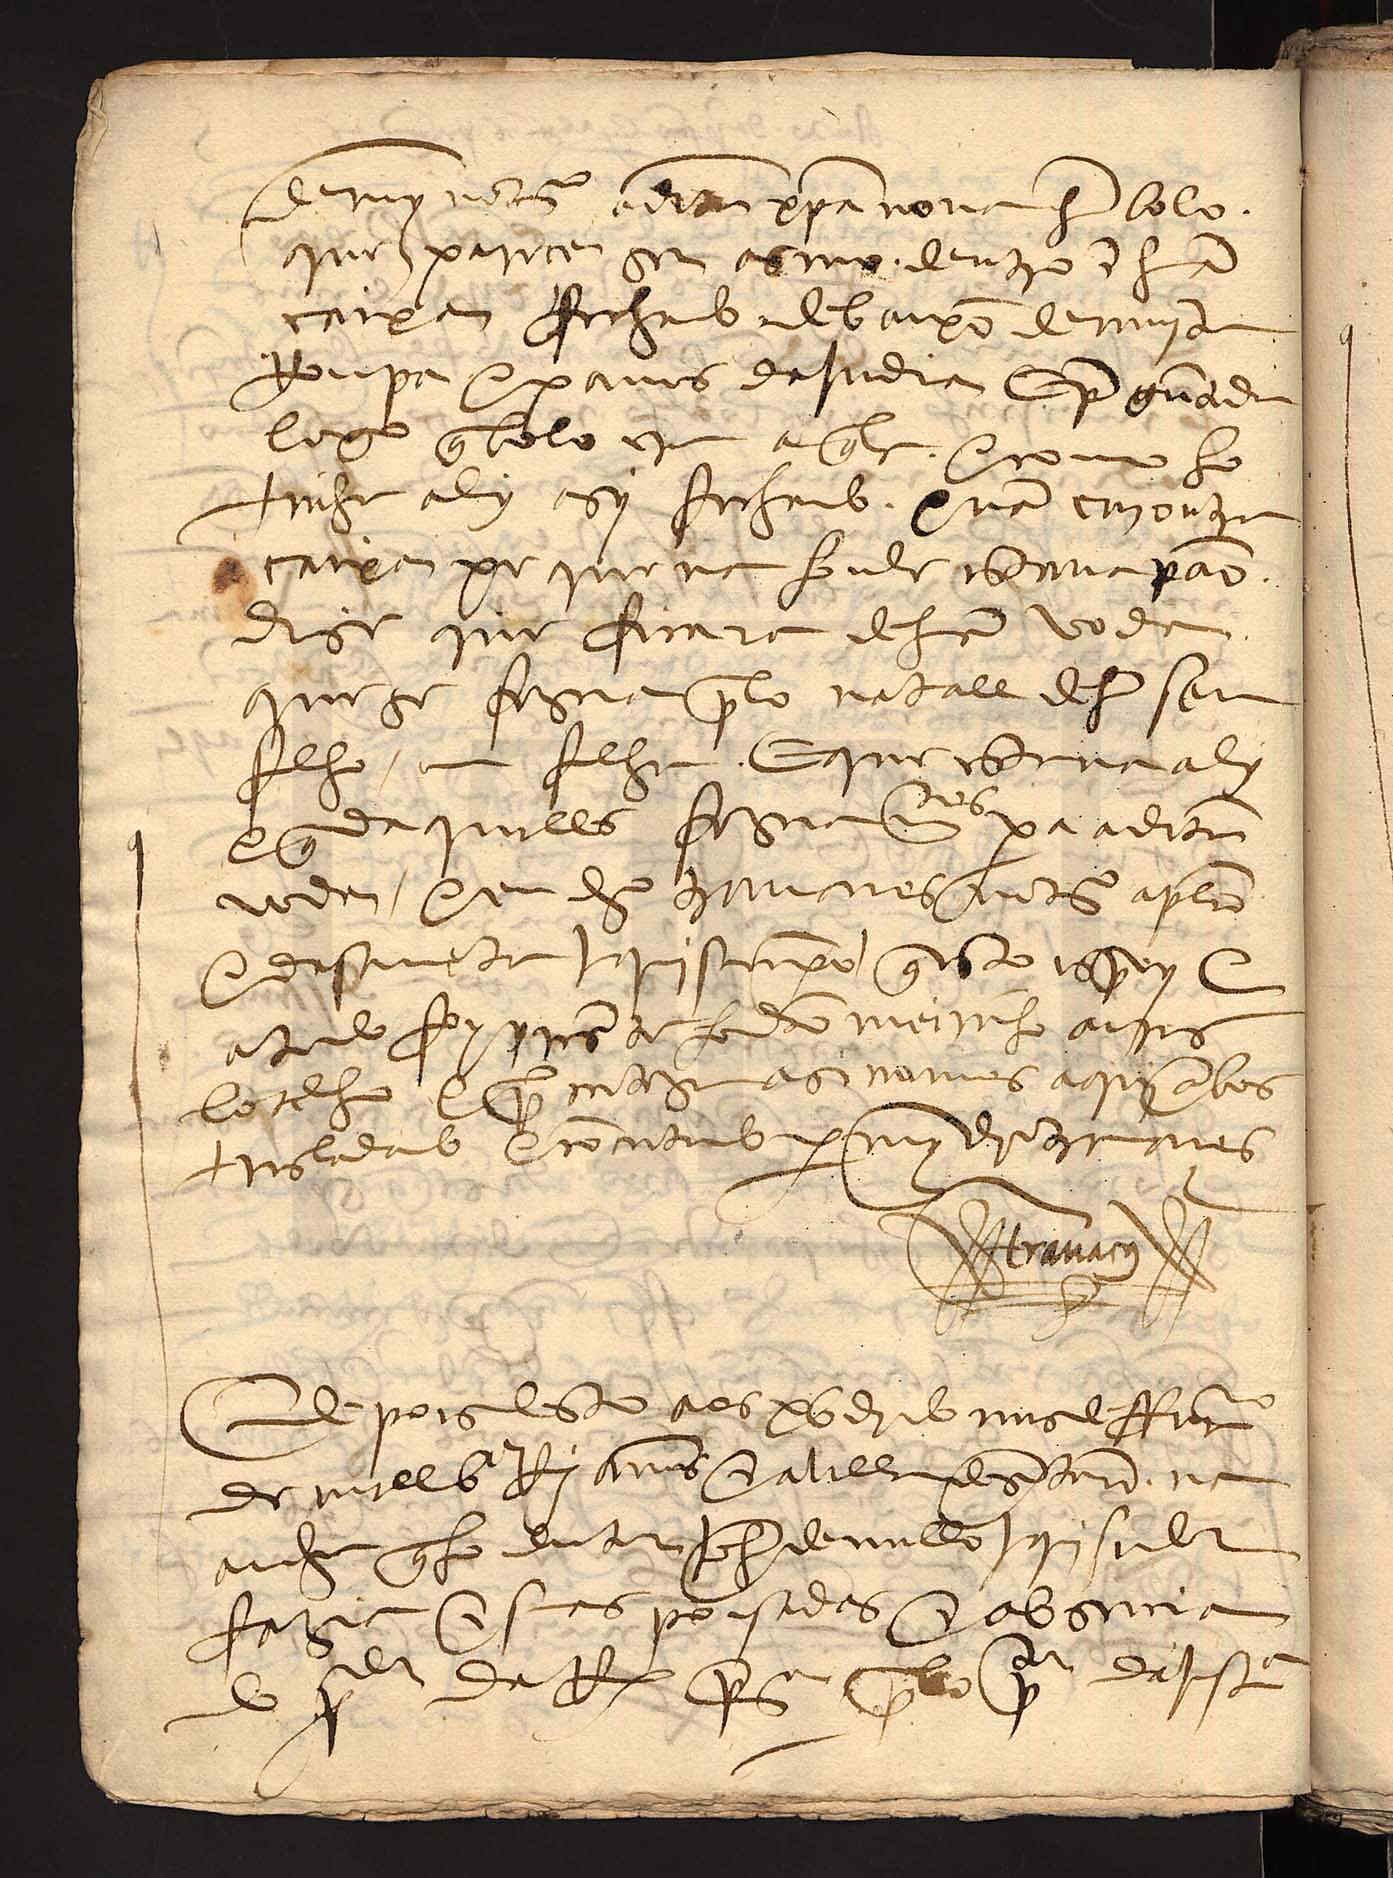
d̄emy notro a d̄ita xp̄a noua hū bolo.
que pareçe ser asmo.dentro e̅ ha
caixa fechado debaixo de mujta
Roupa e panos da Jndia E p̄gūtada
logo q̄ bolo era aq̄le e como ho
tinha aly asy fechado. e na̅ em outra
caixa pequena honde estaua pão
dise que ficara de ha̅ voda
que se fizera p̄lo natall de hū seu
filho / ou flha. E que estaua aly
e q̄ daquelles fezera mtos ꝑa a dit̄a
voda / e eu do trauaces noto apllo
e da sancta Jnqujsisō q̄ esto esp̄vy e
a todo foy presēte ho dt̄o meiynho aires
botelho e p̄setes asinamos aquj ābos
tresladado e c̄ocertado ꝓmj dio travaces
dtrauacos
E depois desto aos xb djas do mes de fevero
de mill bc Rj an̄os ē a villa de sātarē na
auda q̄ ho doutor Johā de mello Jqysidor
fazia ē suas pousadas ē absençia
do ꝓdor da Rꝭ p̄sa p̄lo p̄tor da Justa
